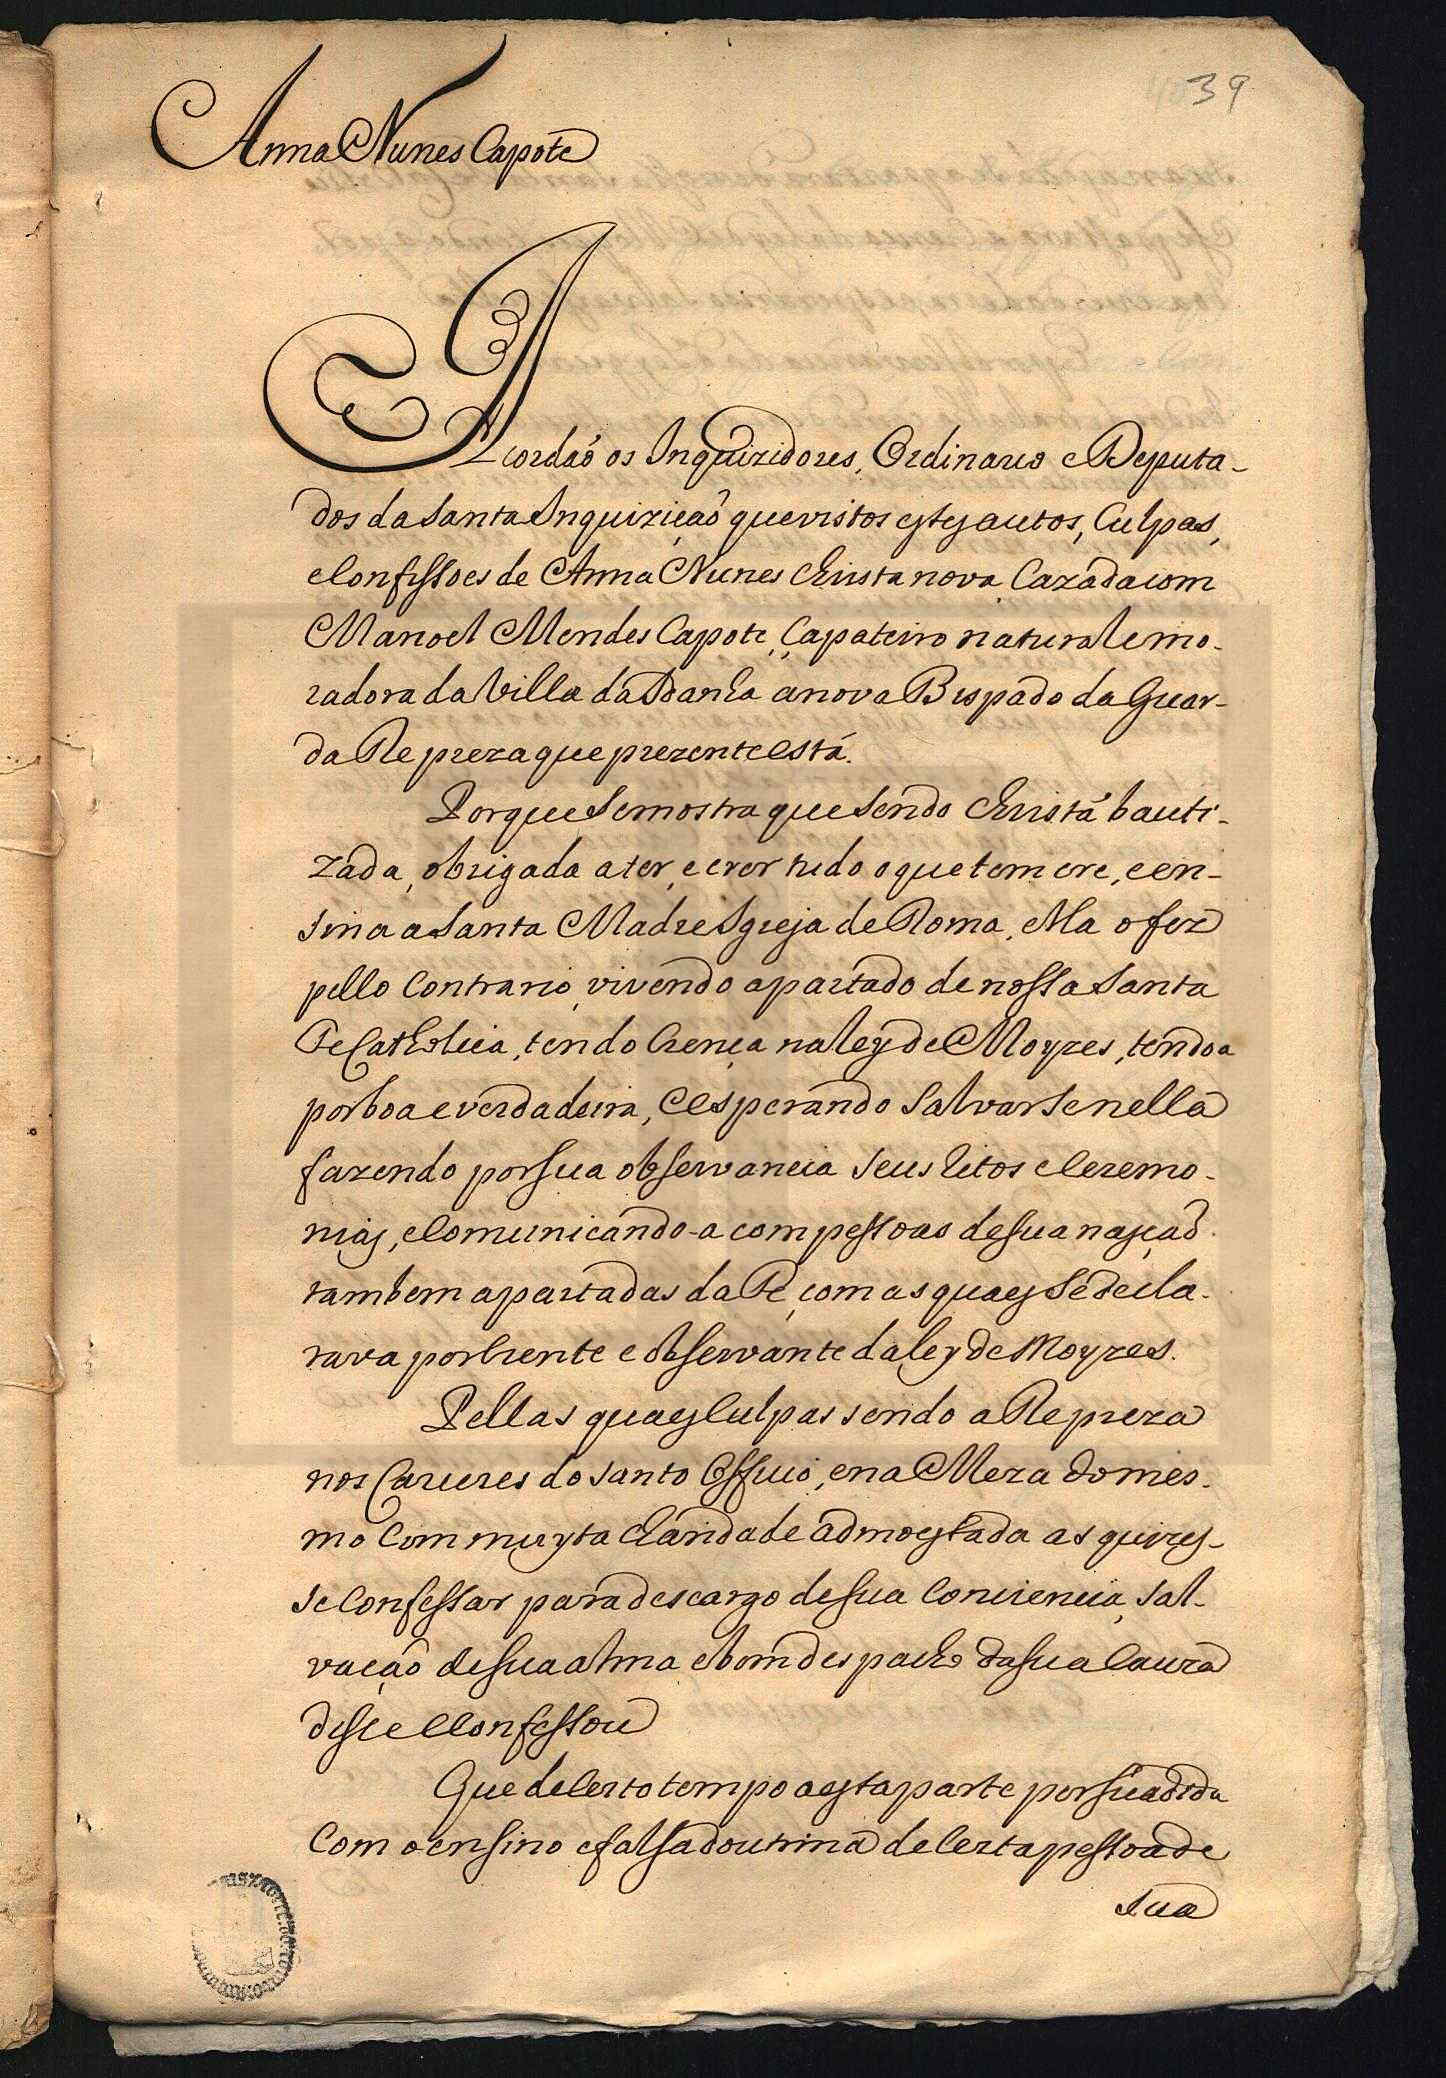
Anna Nunes Capote
Acordaõ os Inquizidores, Ordinario e Deputa
dos da Santa Inquizição que vistos estes autos, Culpas,
e Confissoes de Anna Nunes christa nova Cazada com
Manoel Mendes Capote, Çapateiro natural e mo
radora da Villa da Ianha a nova Bispado da Guar
da Re preza que prezente está.
Porque se mostra que sendo christã bauti
zada, obrigada a ter, e crer tudo o que tem, cre, e en
sina a Santa Madre Igreja de Roma ella o fez
pello contrario vivendo apartado de nossa Santa
Fe Catholica, tendo Crença na ley de Moyzes, tendo a
por boa e verdadeira, e esperando salvarse nella
fazendo por sua observancia seus Ritos e ceremo
nias, e comunicando-a com pessoas de sua nasçaõ
tambem apartadas da Fe, com as quaes se decla
rava por Crente e observante da ley de Moyzes.
Pellas quaes culpas sendo a Re preza
nos Carceres do santo Officio, e na Meza do mes
mo com muyta charidade admoestada as quizes
se confessar para descargo de sua conciencia, sal
vaçaõ de sua alma e bom despacho da sua cauza
disse e confessou
Que de Certo tempo a esta parte persuadida
com o ensino e falsa doutrina de Certa pessoa de
sua
